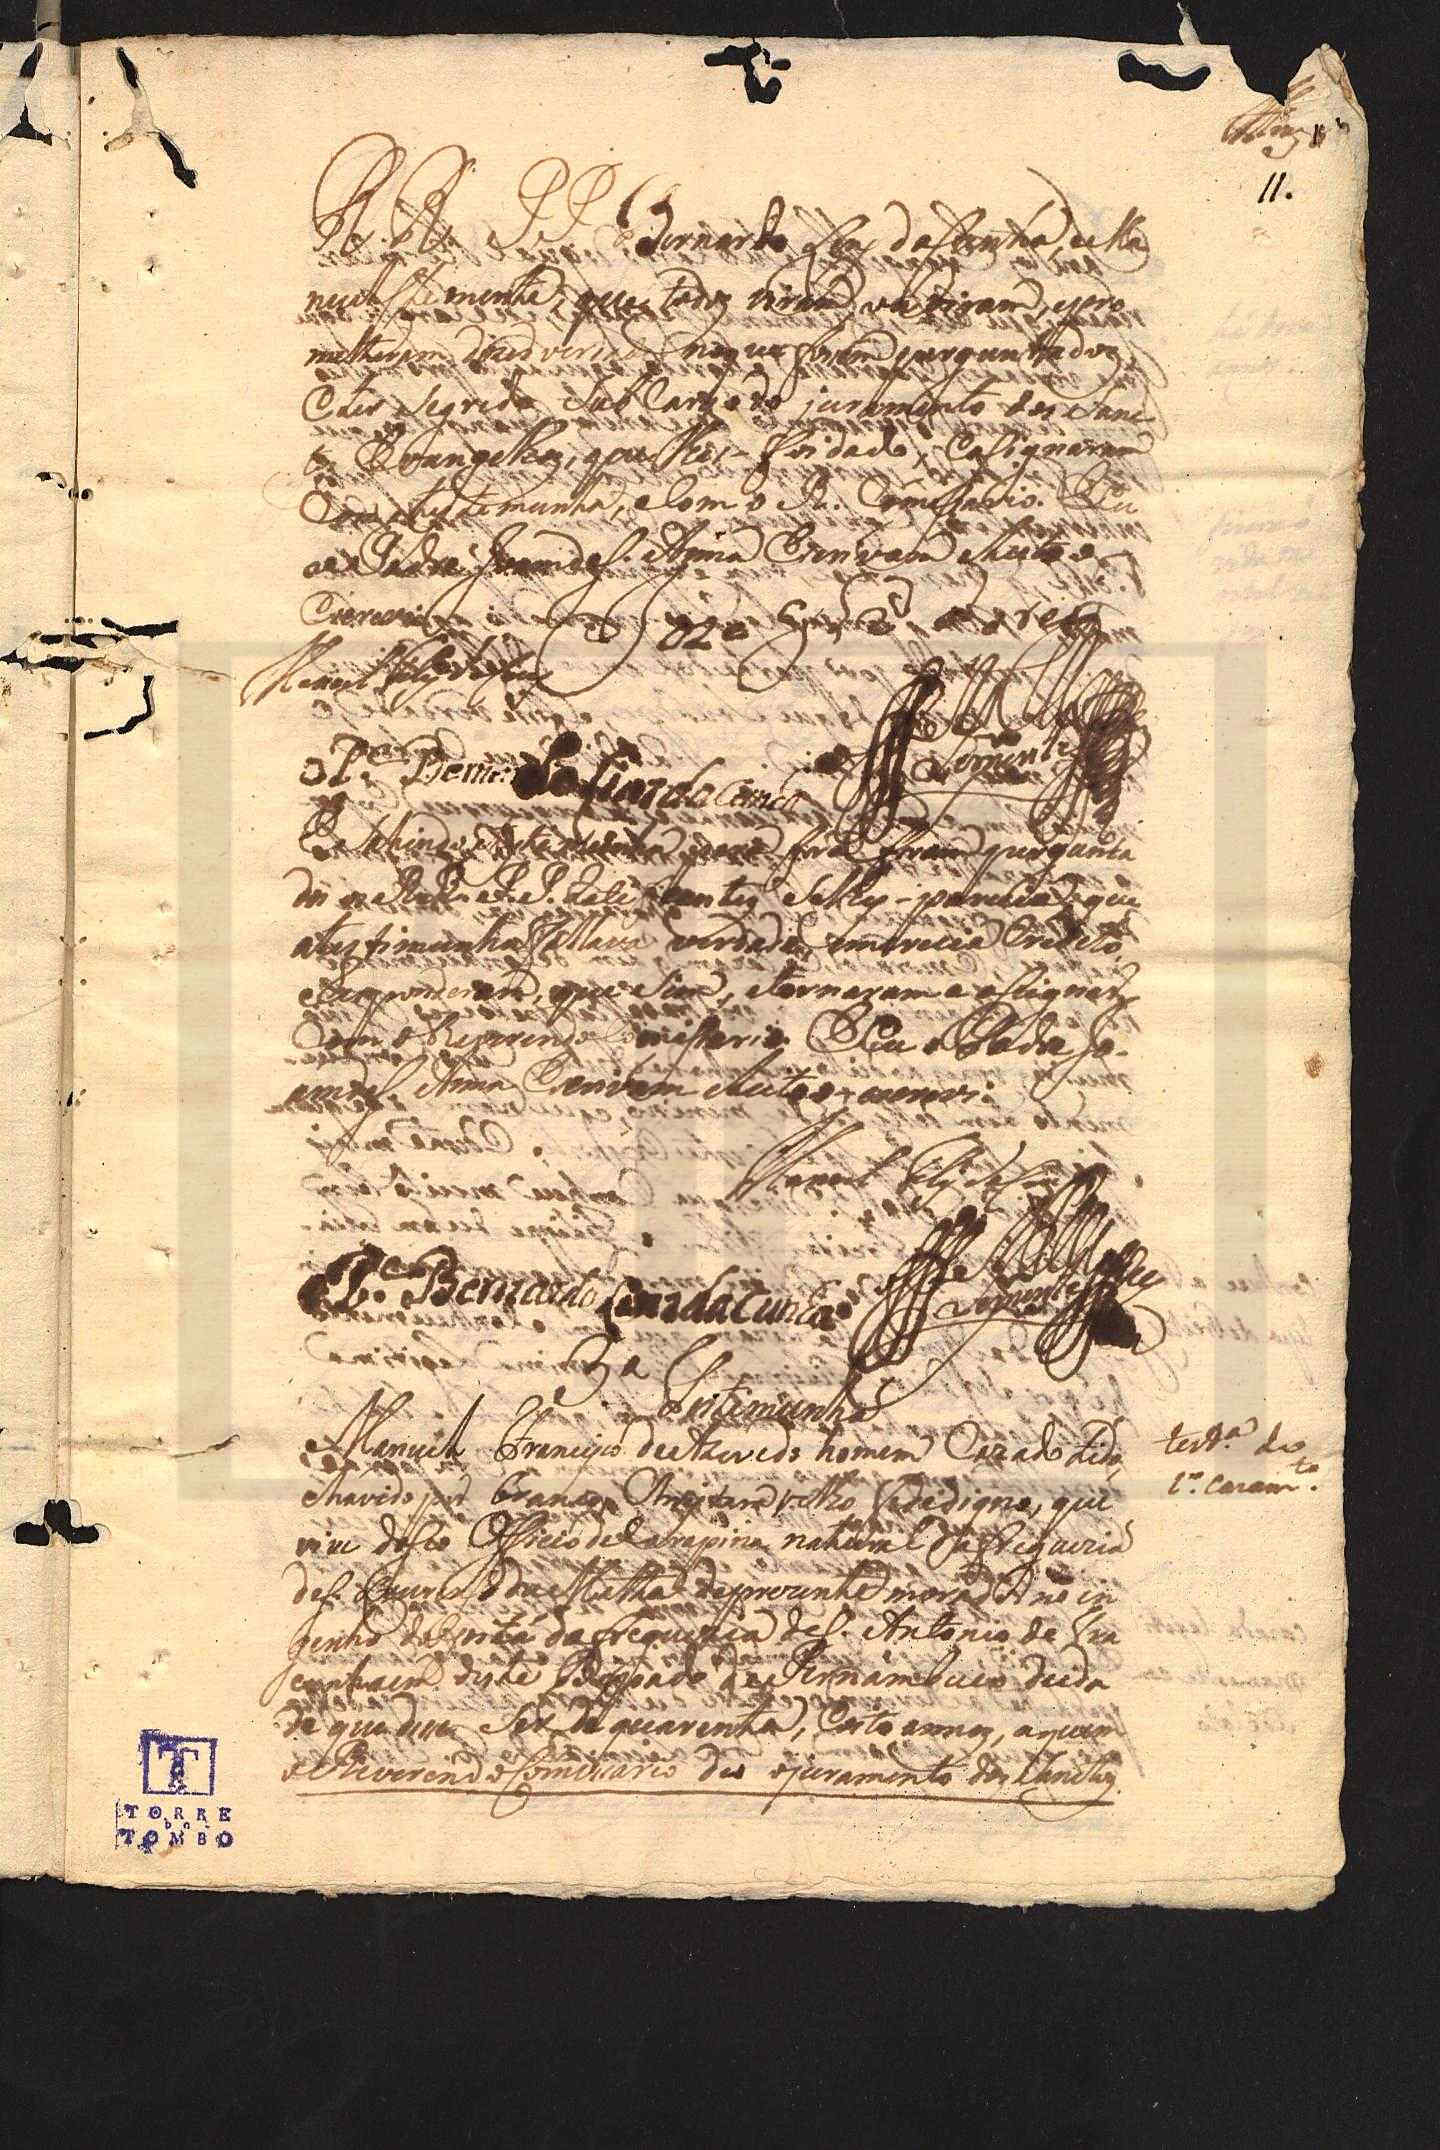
R.R. PP. Bernardo Lins da Cunha, e Ma
nuel Clemente, que todos viraõ, ouviram, e pro
meteram dizer veriade no que fossem perguntadoz
E ter Segredo Sub Cargo do juramento dos Sanc
tos Evangelhoz, que lhes foi dado, E asignaram
Com a testemunha, e Com o R. Com̄issario. Eu
o Padre Joam de S. Anna Escrivam eleito o
escrevi
Joze Glz̄ do reis
Manoel Felis da Crus
clemente
o P.e Bernardo Lins da cunha
E sahindo a testemunha para fora foram pergunta
dos os RR. PP. Ratificantez se lhes - parecia que
a testimunha fallava verdade, e merecia Credito,
e Responderam, que sim, e tornaram a assignar
Com o Reverendo Comissario, E eu o Padre Jo
am de s. Anna Escrivam eleito o escrevi.
Manoel Felis da Cru
Bernardo Lens da cunha
Lemente
3.a Testimunha
Manuel Francisco de Azevedo homem Cazado tido
test.a do
1.o cazamto.
e havido por branco Christam velho fidedigno, que
vive do seo Officio de Carapina natural da freguezia
de s. Lourenso da Matta de prezente morador no in
genho da Quinta da freguezia de S. Antonio de Tra
cunhaem deste Bispado de Pernambuco de ida
de que disse ser de quarenta, E oito annos, a quem
o Reverendo Comissario deo o juramento dos Sanctoz.
